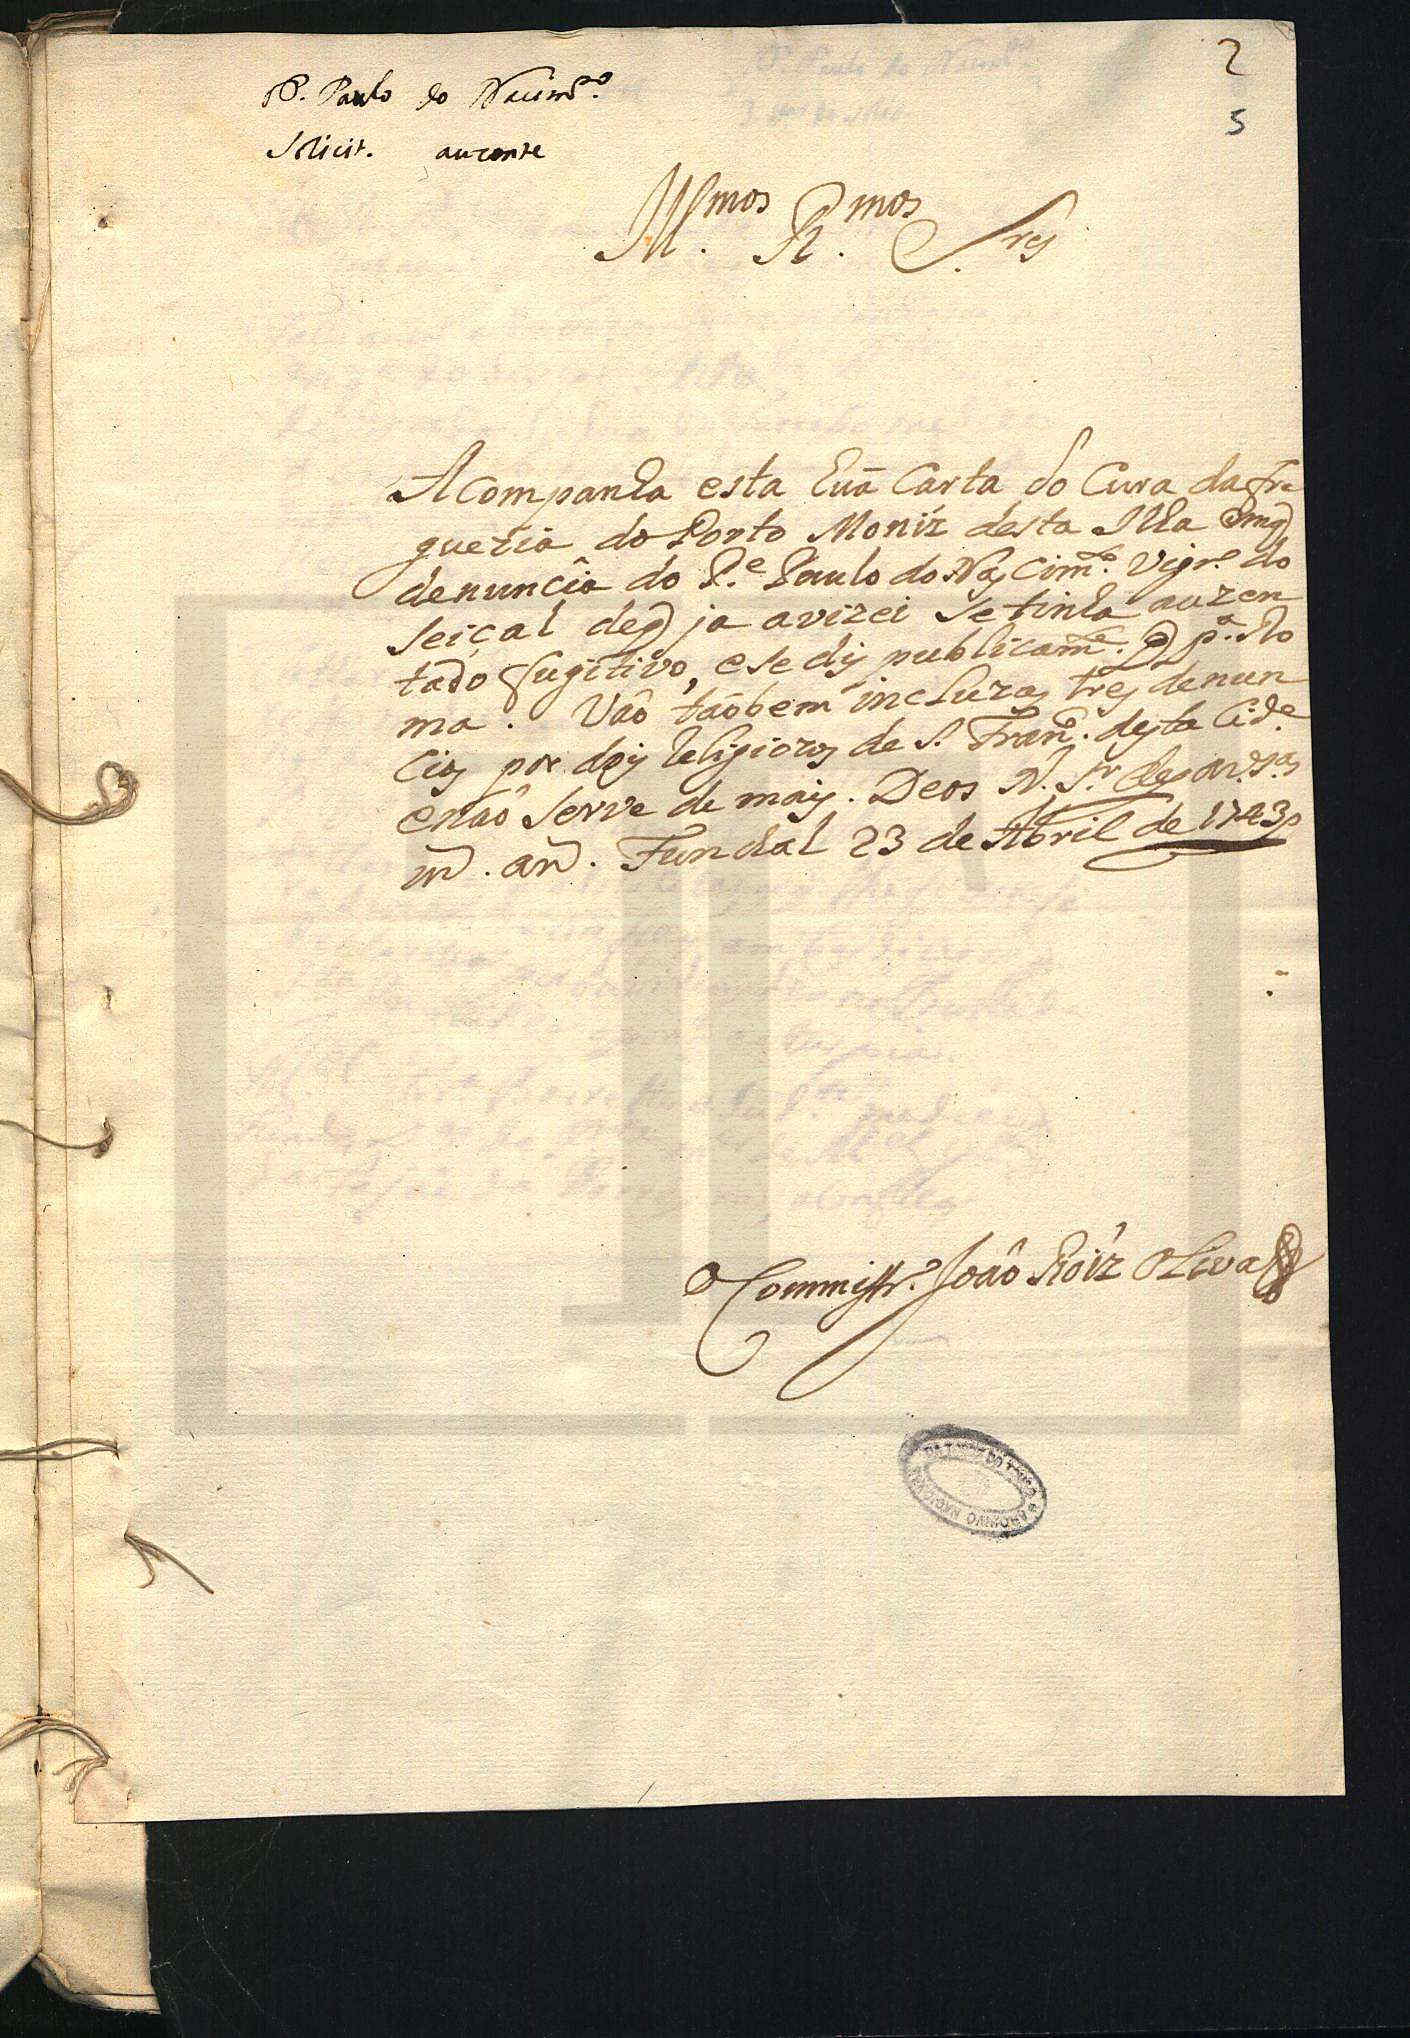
2
o P. Paulo do Nacim.to
solicit. auzente
Ill.mos R.mos S.res
Acompanha esta huā Carta do Cura da fre
guezia do Porto Moniz̄ desta Ilha em q̄
denuncia do P.e Paulo do Nascim.to vigr.o do
seiçal de q̄ ja avizei se tinha auzen
tado fugitivo, e se dis publicam.te q̄ p.a Ro
ma. Vão taõbem incluzas tres denun
cias por dois Religiozos de S. Fran.co desta Cid.e
e naõ serve de mais. Deos N. S.r dg a v. s.as
m̄. an̄. Funchal 23 de Abril de 1743
O Commissr.o Joaõ Roiz̄ OLiva
